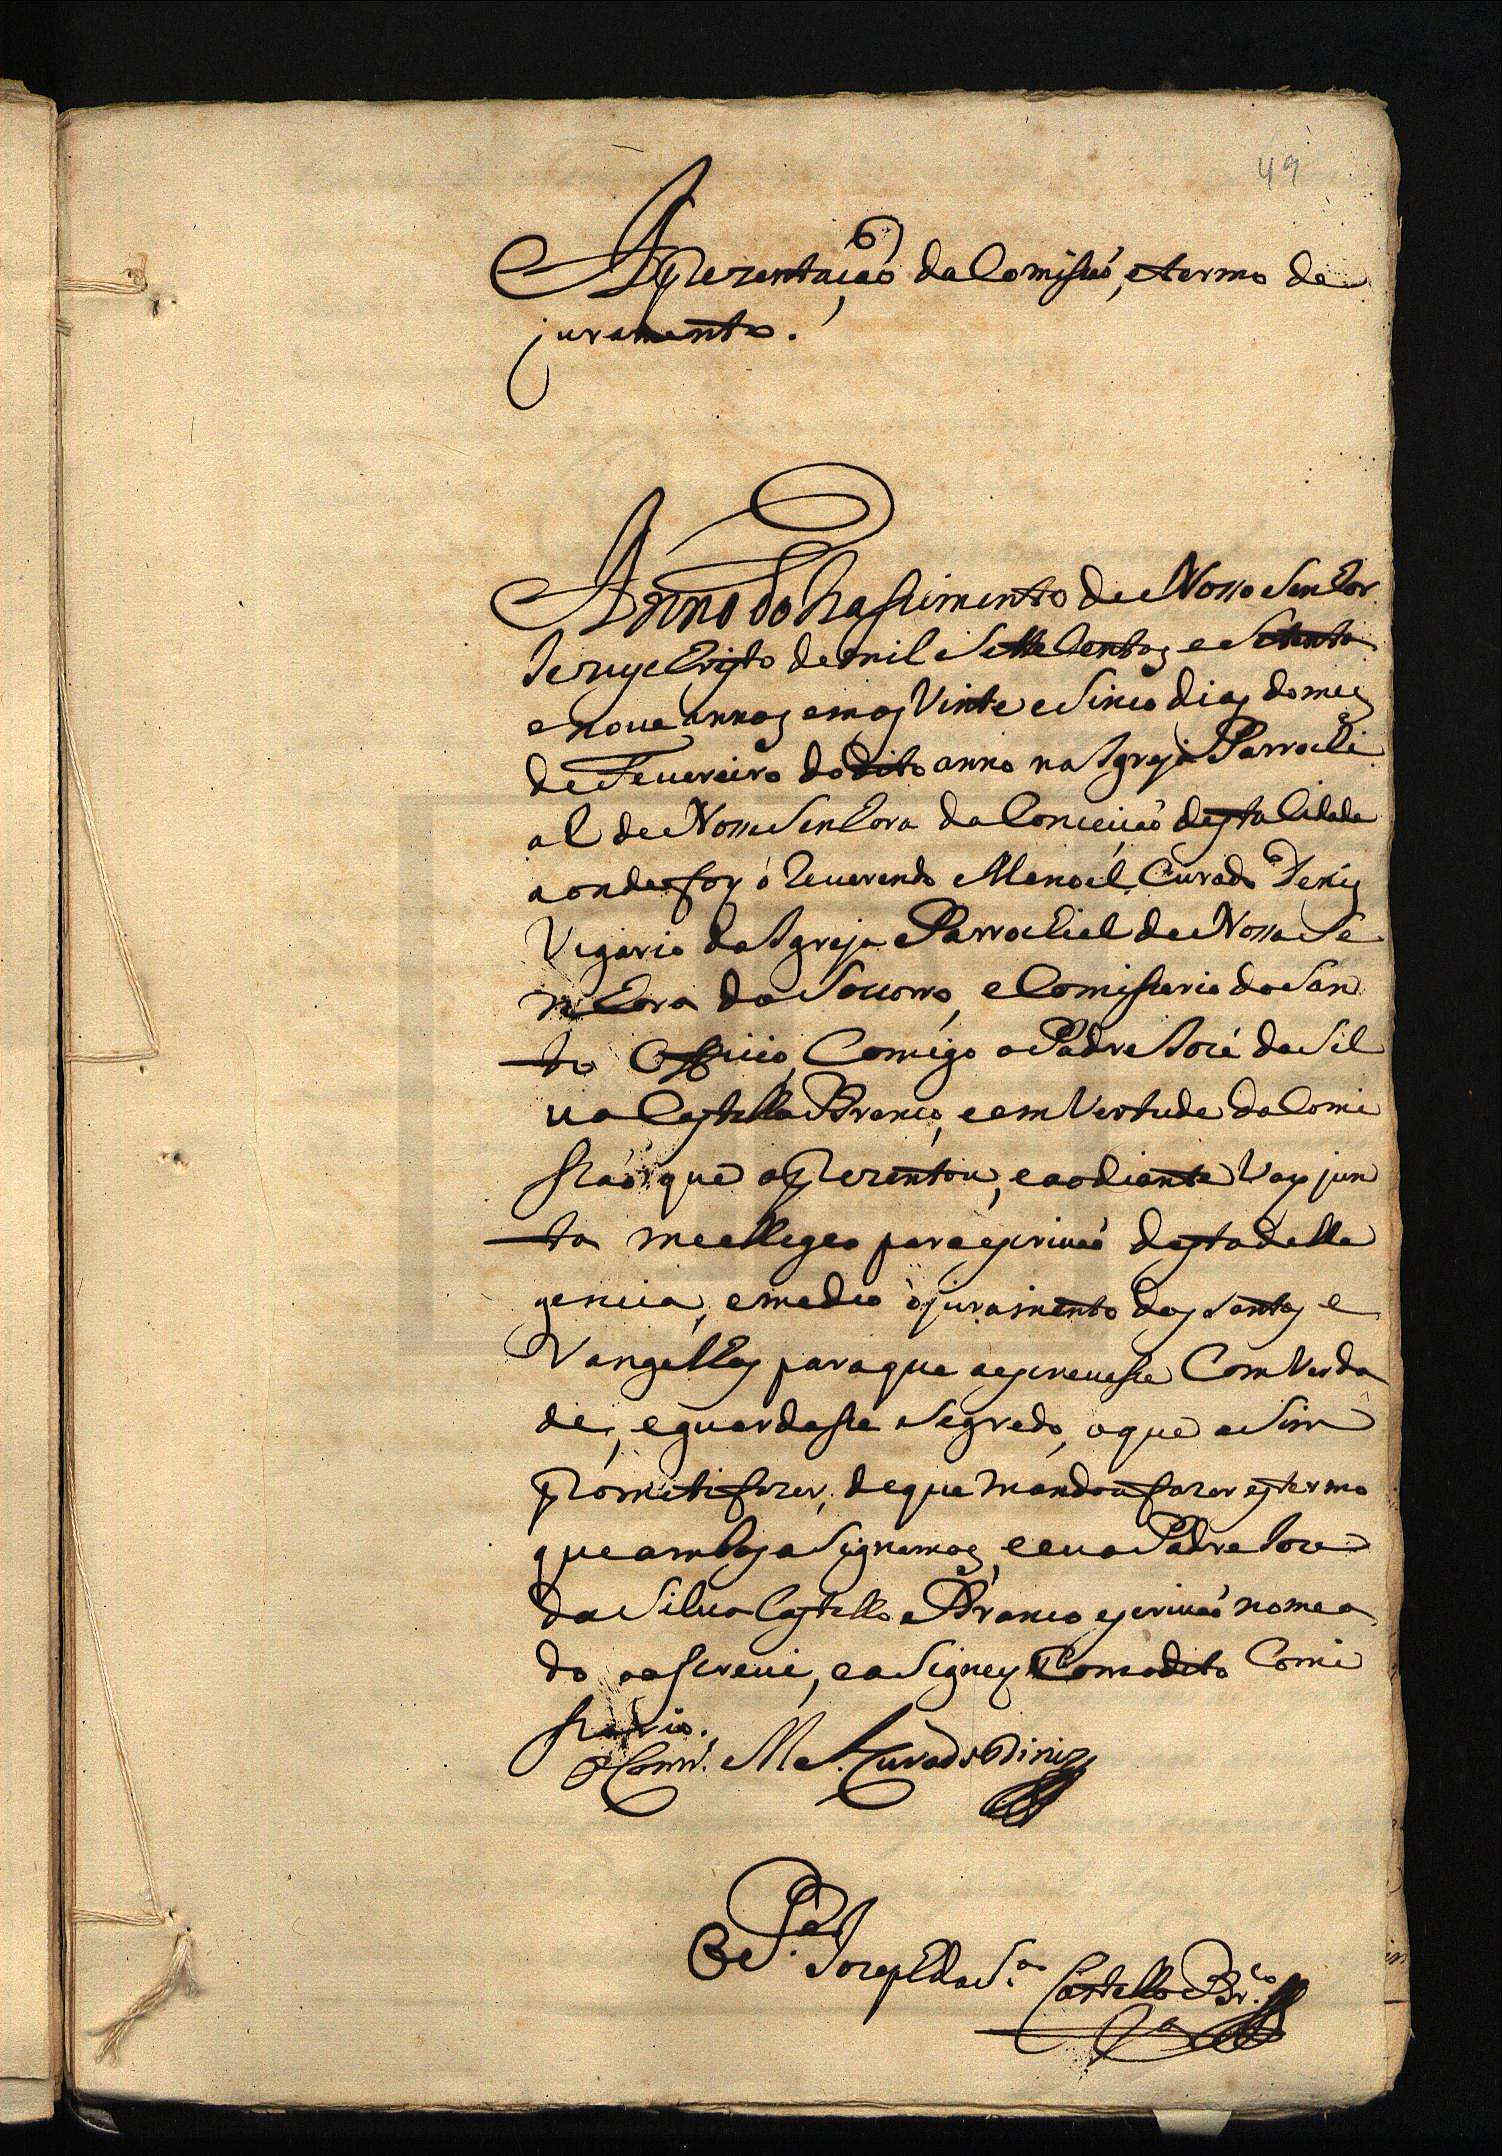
Aprezentaçaõ da Comissaõ, e termo de
juramento.
Anno do nascimento de Nosso Senhor
Iesus christo de mil SetteCentos e Setenta
e noue annos em os Vinte e sinco dias do mes
de Feuereiro do dito anno na Igreja Parrochi
al de Nossa Senhora da Conceiçaõ desta Cidade
aonde foy o Reuerendo Manoel Curado Denis
Vigario da Igreja Parrochial de Nossa Se
nhora do Soccorro, e Comissario do San
to Officio, Comigo o Padre Iozé da Sil
ua Castello Branco, e em Vertude da Comi
ssaõ que aprezentou, e ao diante Vay jun
ta me ellegeo para escriuaõ desta delle
gencia, e me deo o juramento dos santos e
Vangelhos para que a escreuesse Com Verda
de, e guardasse segredo, o que aSim
prometi fazer; de que mandou fazer es termo
que ambos asignamos, e eu o Padre Ioze
da Silua Castello Branco escriuaõ nomea
do o escreui, e asigney Com o dito Comi
ssario.
O Com.o Mel. Curado Dinis
O P.e Iozeph da S.a Castello Br.co
